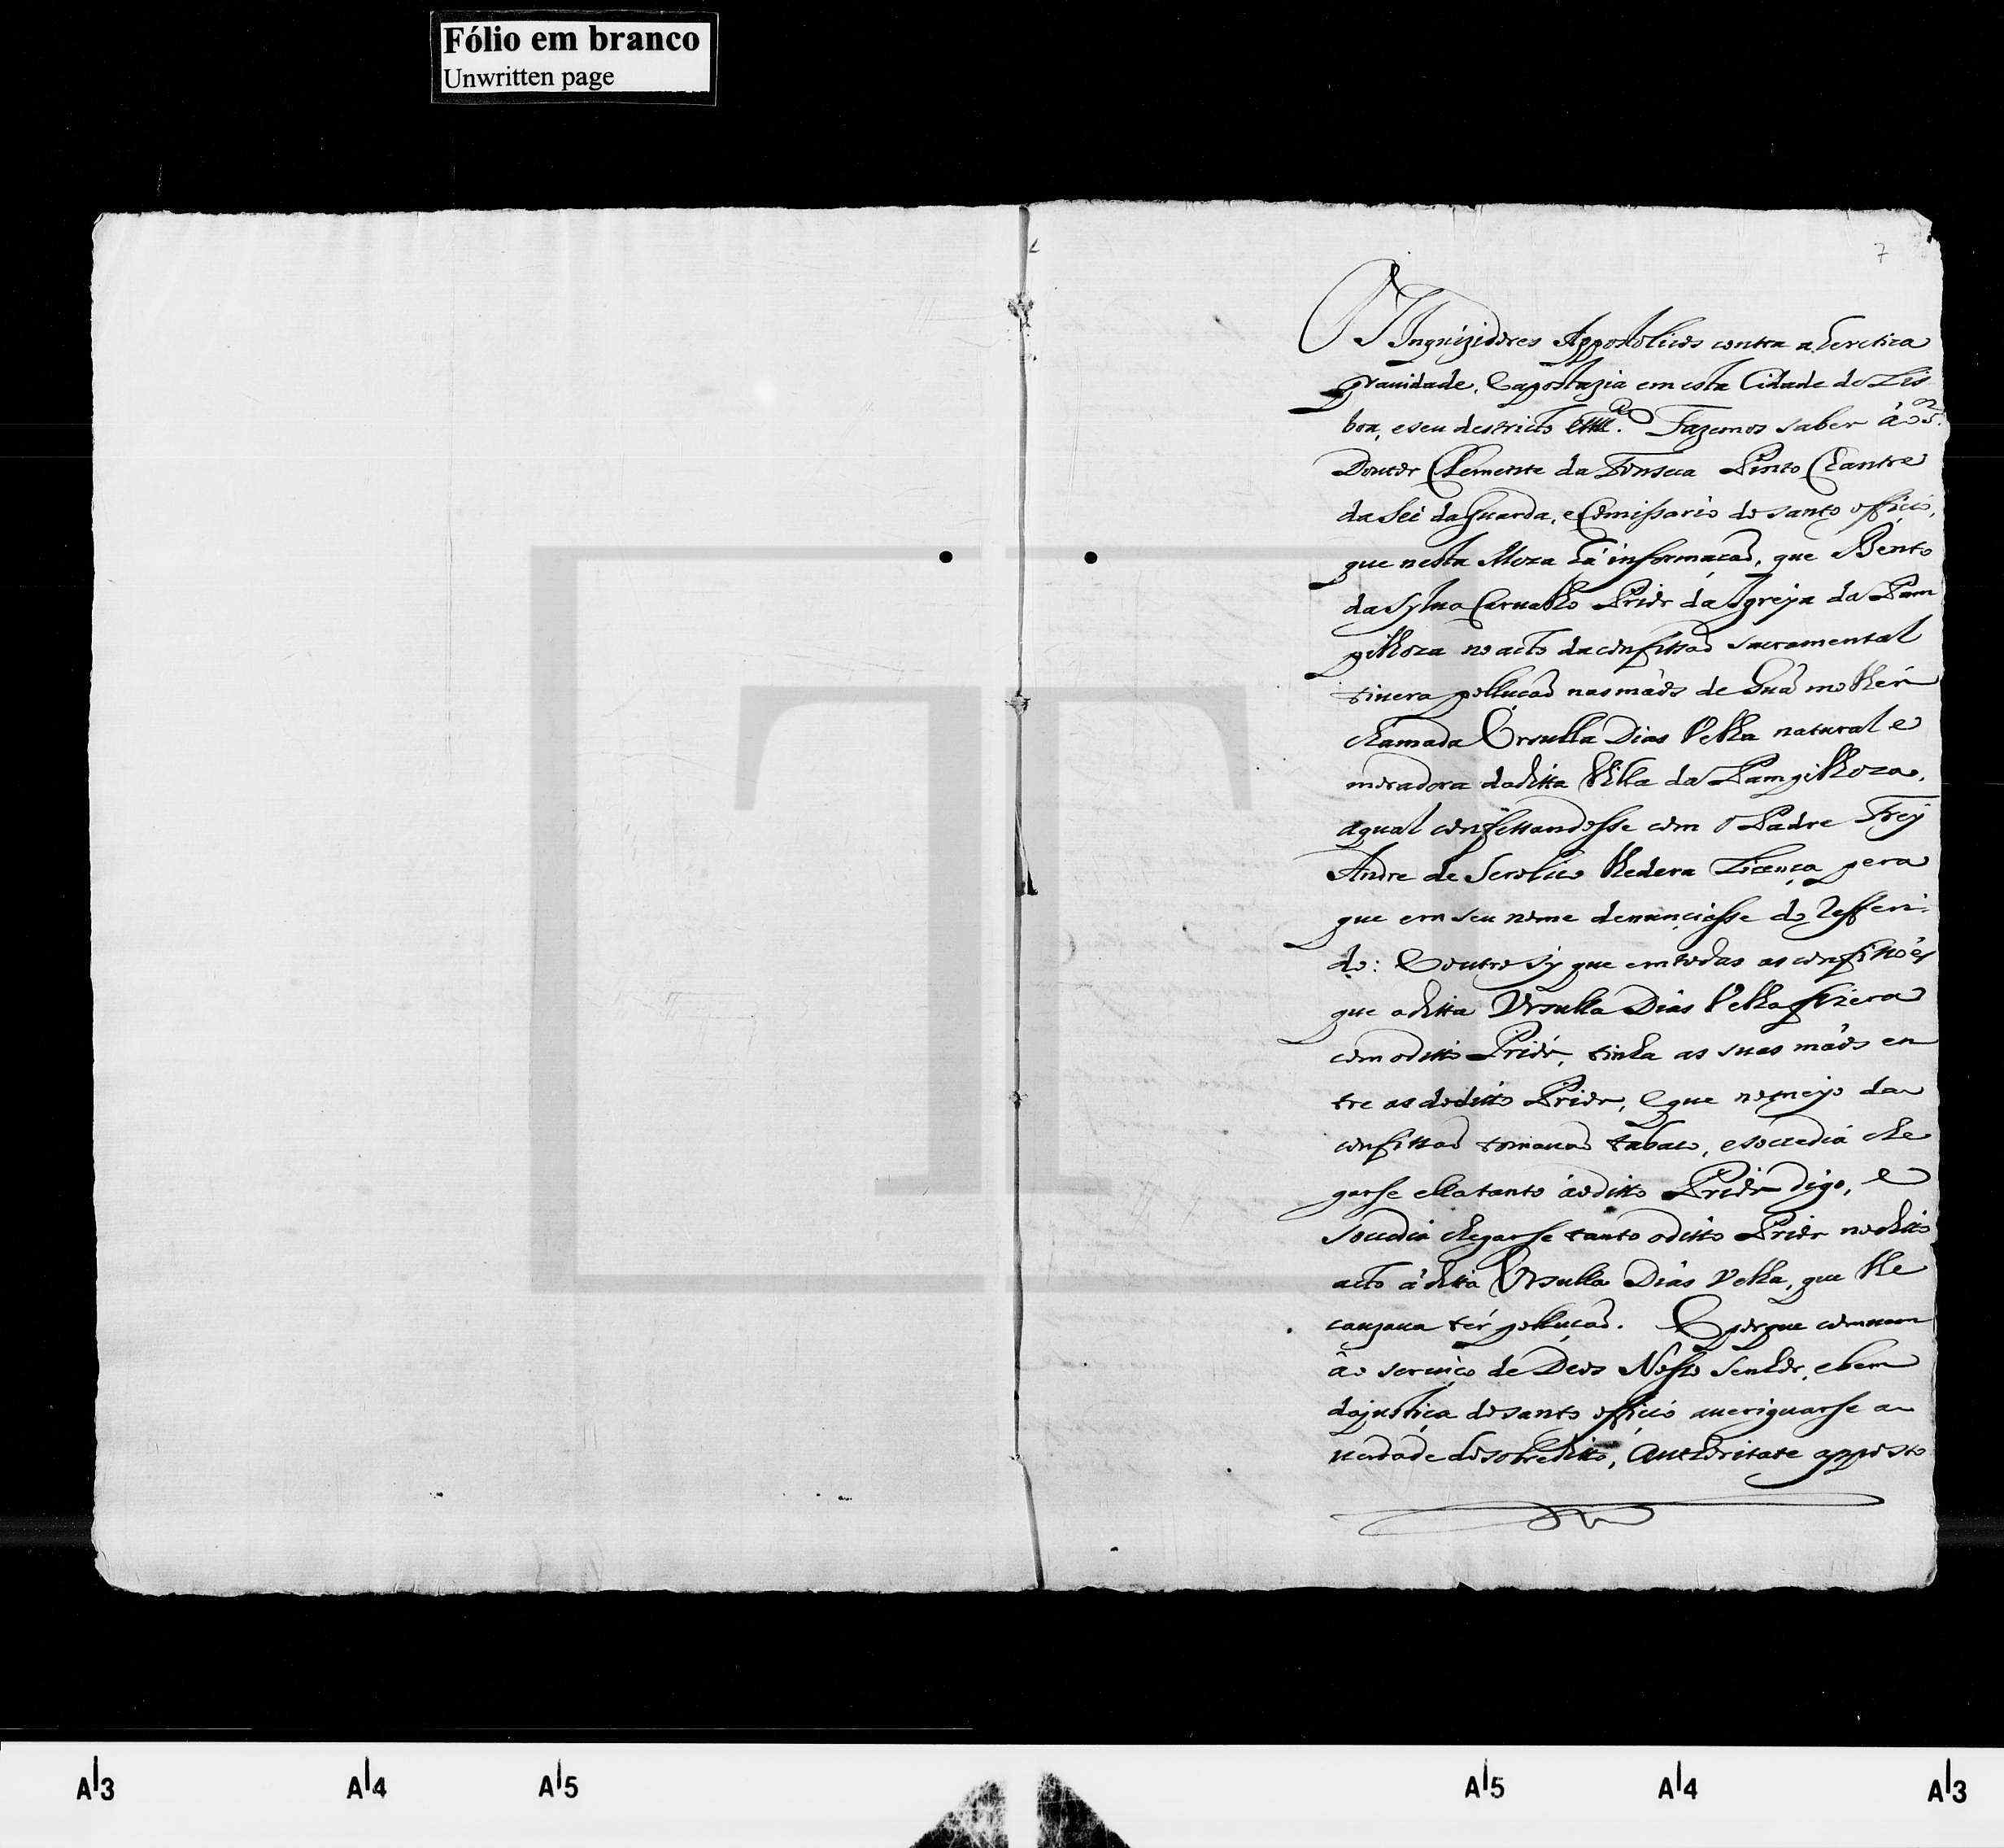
OS Inquizidores Appostolicos contra a heretica
prauidade, e apostazia em esta Cidade de Lis
boa, e seu destricto etttc.a Fazemos saber áo s.or
Doutor Clemente da Fonseca Pinto Chantre
da Seè da Guarda, e Comissario do santo officio,
que nesta Meza há informaçaõ, que Bento
da Sylua Carualho Prior da Igreya da Pam
pilhoza no acto da confissaõ sacramental
tiuera polluçaõ nas mãos de huā molher
chamada Ursulla Dias Velha natural e
moradora da ditta Villa da Pampilhoza,
a qual confessandosse com o Padre Frey
Andre de Serolico lhe dera Licença pera
que em seu nome denunciasse do Refferi
do: E outrosy que em todas as confissoẽs
que a ditta Vrsulla Dias Velha fizera
com o ditto Prior, tinha as suas maõs en
tre as do ditto Prior, e que no meyo da
confissaõ tomauaõ tabaco, e soccedia che
garse ella tanto ao ditto Prior digo, e
soccedia chegarse tanto o ditto Prior no ditto
acto à ditta Ursulla Dias Velha, que lhe
cauzaua ter polluçaõ. E porque comuem
áo seruiço de Deos Nosso Senhor, e bem
da justiça do santo officio aueriguarse a
uerdade do sobreditto, authoritate apposto
